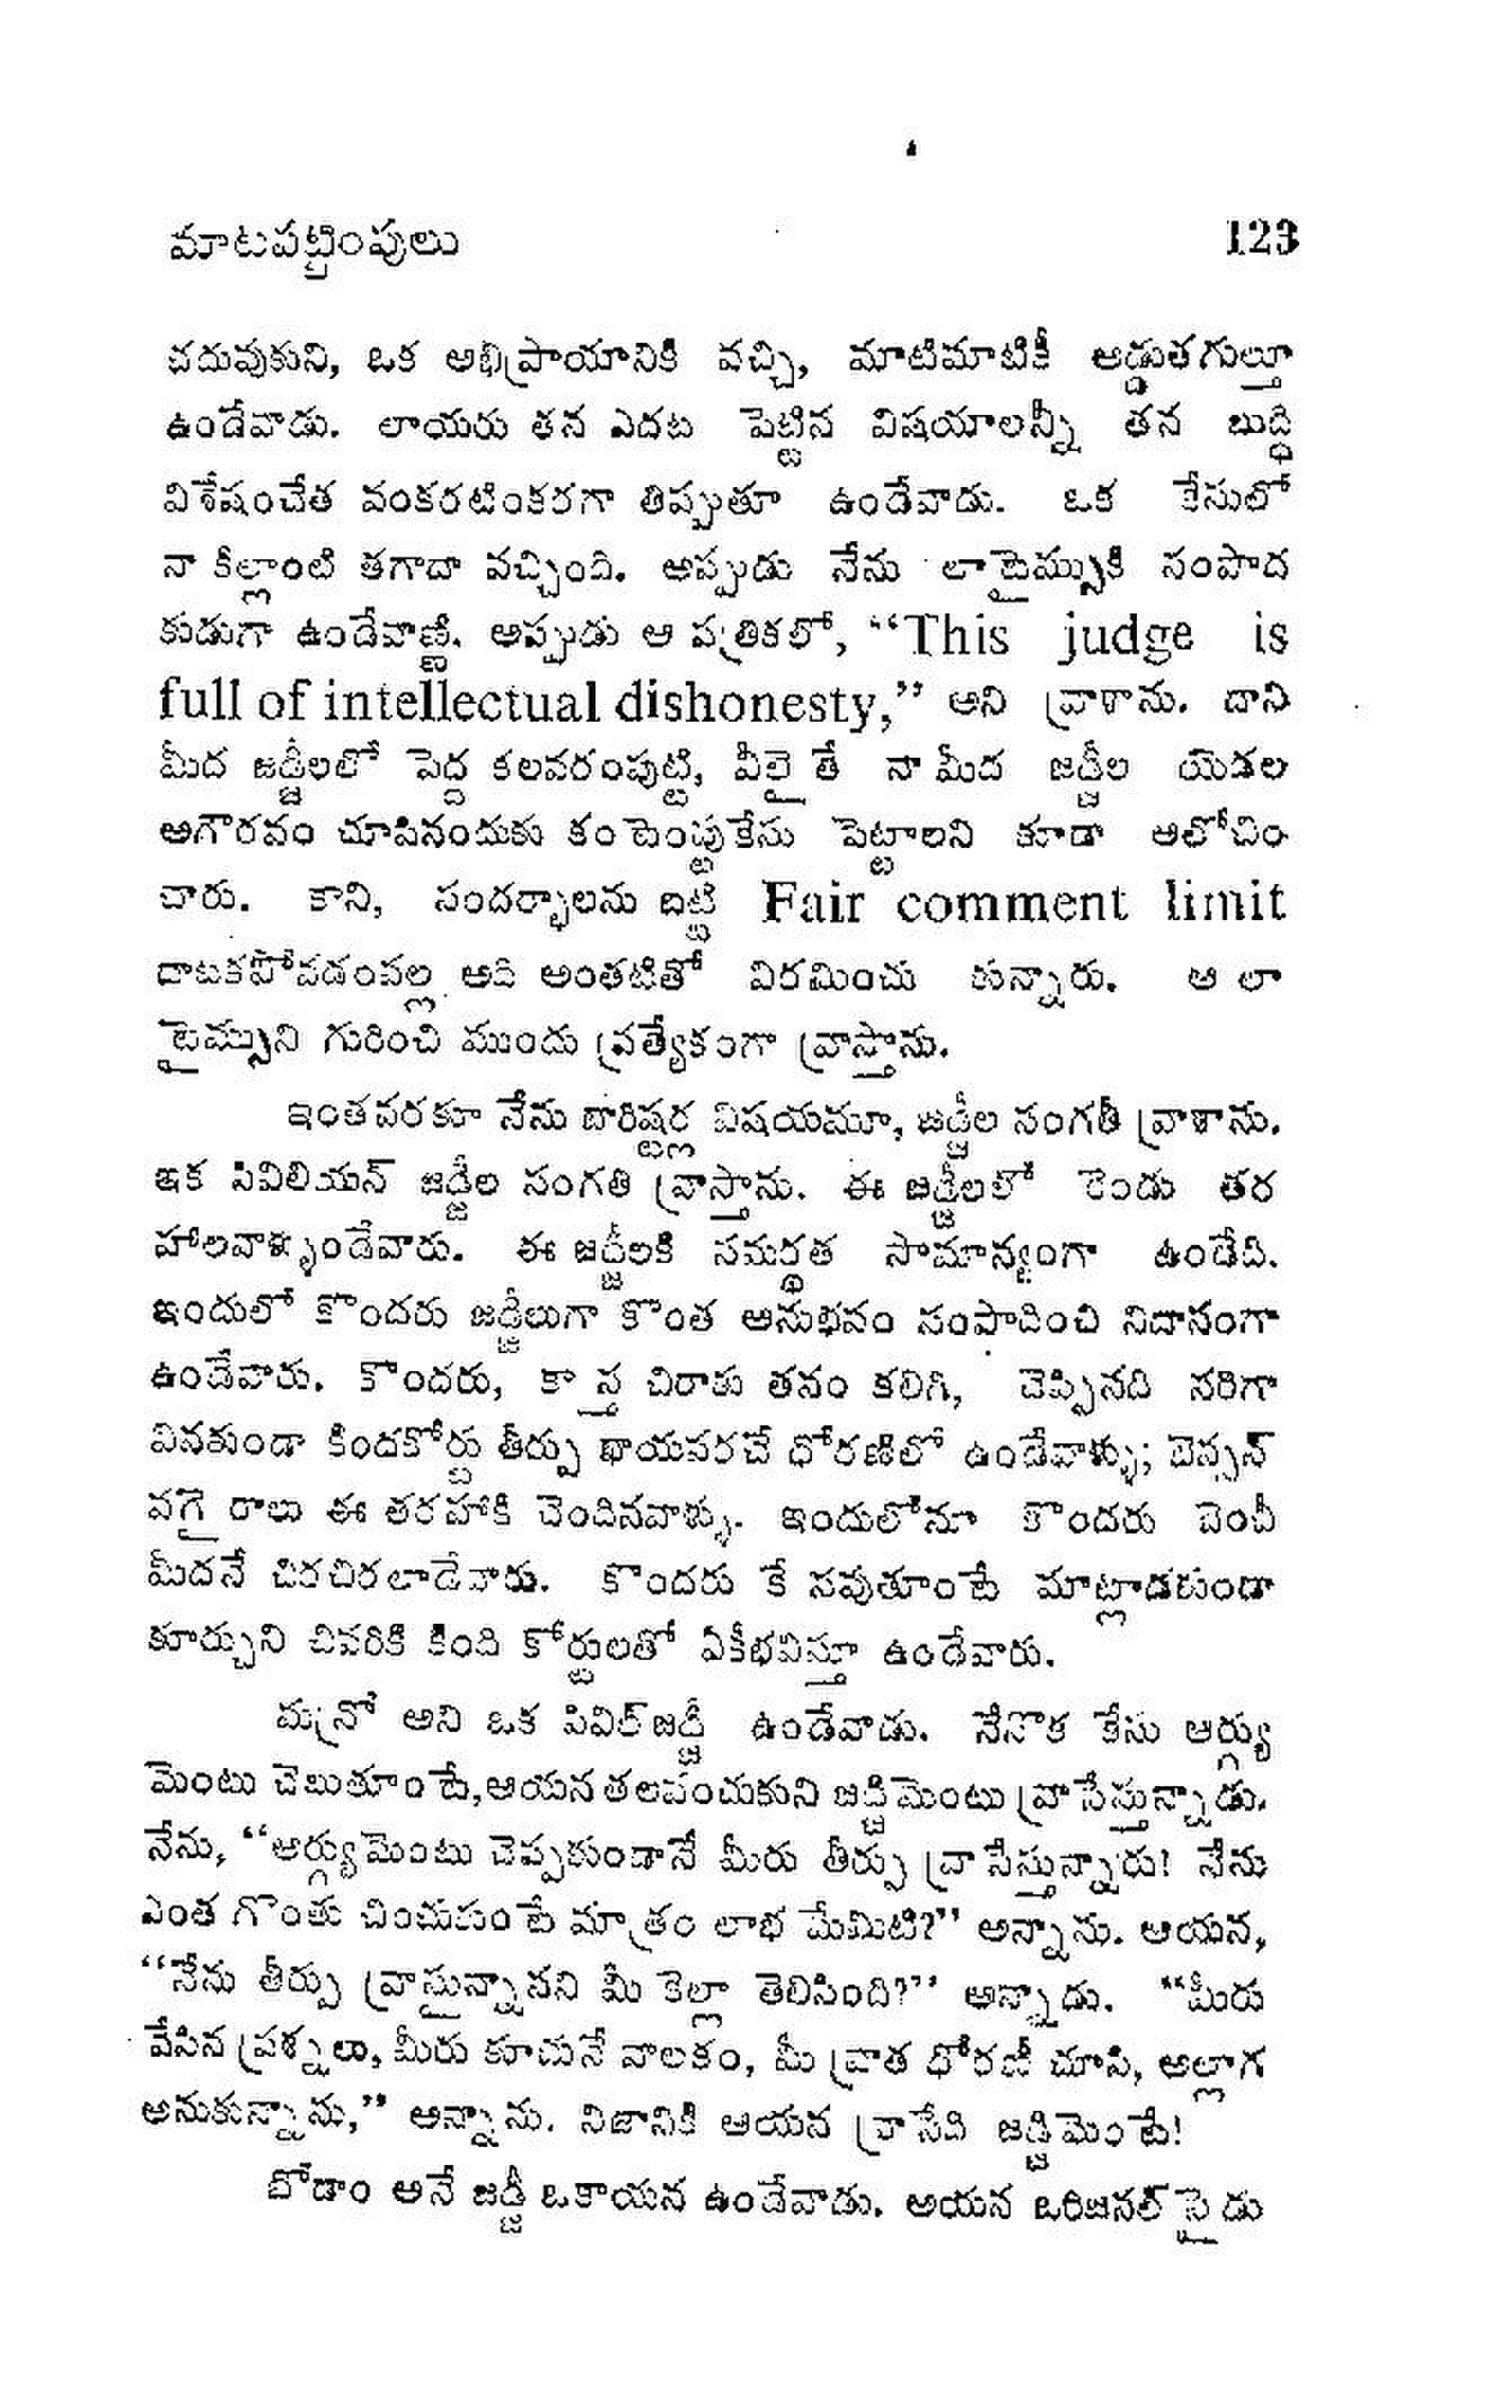చదువుకుని, ఒక అభిప్రాయానికి వచ్చి, మాటిమాటికి అడ్డుతగుల్తూ ఉండేవాడు. లాయరు తన ఎదట పెట్టిన విషయాలన్నీ తన బుద్ధి విశేషంచేత వంకరటింకరగా తిప్పుతూ ఉండేవాడు. ఒక కేసులో నా కిల్లాంటి తగాదా వచ్చింది. అప్పుడు నేను లాటైమ్సుకి సంపాదకుడుగా ఉండేవాణ్ణి. అప్పుడు అ పత్రికలో, "This Judge is full of intellectual dishonesty," అని వ్రాశాను. దాని మీద జడ్జీలలో పెద్ద కలవరంపుట్టి, వీలైతే నా మీద జడ్జీల యెడల అగౌరవం చూపినందుకు కంటెంప్టుకేసు పెట్టాలని కూడా ఆలోచించారు. కాని, సందర్భాలను బట్టి Fair comment limit దాటక పోవడంవల్ల అది అంతటితో విరమించు కున్నారు. ఆలా టైమ్సుని గురించి ముందు ప్రత్యేకంగా వ్రాస్తాను.

ఇంతవరకూ నేను బారిష్టర్ల విషయమూ, జడ్జీల సంగతి వ్రాశాను. ఇక సివిలియన్ జడ్జీల సంగతి వ్రాస్తాను. ఈ జడ్జీలలో రెండు తరహాలవాళ్ళుండేవారు. ఈ జడ్జీలకి సమర్థత సామాన్యంగా ఉండేది. ఇందులో కొందరు జడ్జీలుగా కొంత అనుభవం సంపాదించి నిదానంగా ఉండేవారు. కొందరు, కాస్త చిరాకు తనం కలిగి, చెప్పినది సరిగా వినకుండా కిందకోర్టు తీర్పు ఖాయపరచే ధోరణిలో ఉండేవాళ్ళు, బెన్సన్ వగైరాలు ఈ తరహాకి చెందినవాళ్ళు. ఇందులోనూ కొందరు బెంచీ మీదనే చిరచిరలాడేవారు. కొందరు కేసవుతూంటే మాట్లాడకుండా కూర్చుని చివరికి కింది కోర్టులతో ఏకీభవిస్తూ ఉండేవారు.

మన్రో అని ఒక సివిల్‌జడ్జీ ఉండేవాడు. నేనొక కేసు ఆర్గ్యుమెంటు చెబుతూంటే, ఆయన తలవంచుకుని జడ్జిమెంటు వ్రాసేస్తున్నాడు. నేను, "ఆర్గ్యుమెంటు చెప్పకుండానే మీరు తీర్పు వ్రాసేస్తున్నారు! నేను ఎంత గొంతు చించుకుంటే మాత్రం లాభ మేమిటి?" అన్నాను. ఆయన, "నేను తీర్పు వ్రాస్తున్నానని మీ కెల్లా తెలిసింది?" అన్నాడు. "మీరు వేసిన ప్రశ్నలు, మీరు కూచునే వాలకం, మీ వ్రాత ధోరణీ చూసి, అల్లాగ అనుకున్నాను,: అన్నాను. నిజానికి ఆయన వ్రాసేది జడ్జిమెంటే!

బోడాం అనే జడ్జీ ఒకాయన ఉండేవాడు. ఆయన ఒరిజనల్‌సైడు